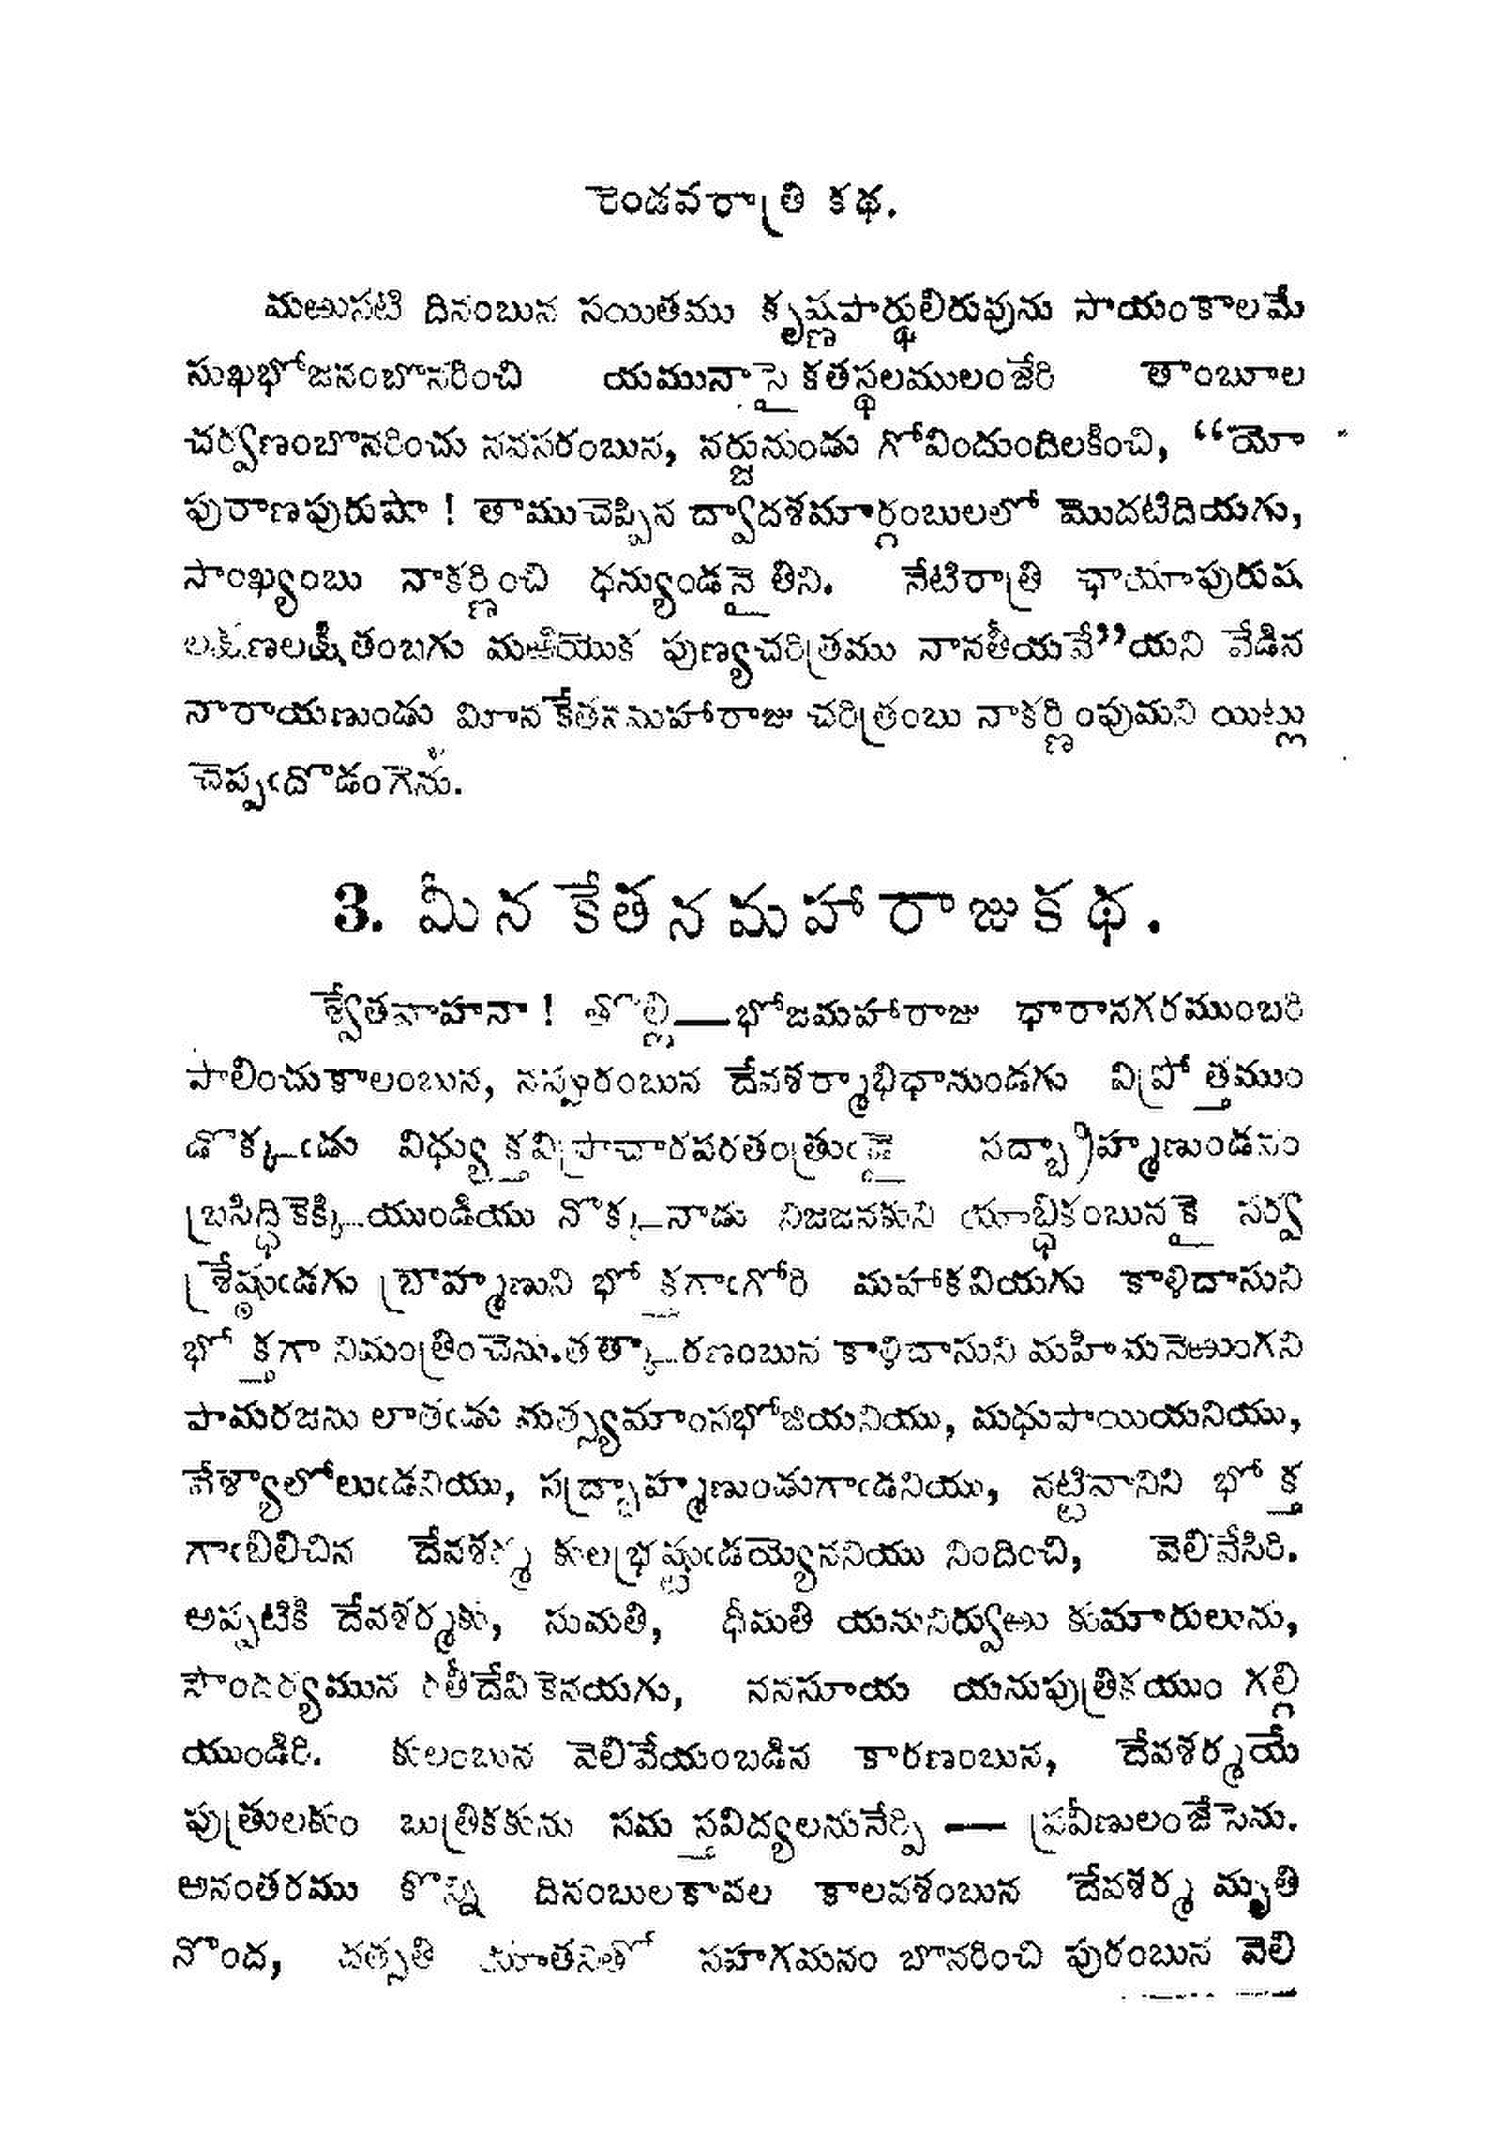మఱుసటి దినంబున సయితము కృష్ణ పార్థులిరువును సాయంకాలమే సుఖభోజనంబొనరించి యమునా సైకతస్థలములంజేరి తాంబూల చర్వణం బొనరించు నవసరంబున, నర్జునుండు గోవిందుందిలకించి, “యో పురాణపురుషా ! తాము చెప్పిన ద్వాదశ మార్గంబులలో మొదటిదియగు, సాంఖ్యంబు నాకర్ణించి ధన్యుండ నైతిని. నేటి రాత్రి ఛాయాపురుషలక్షణ లక్షితంబగు మఱియొక పుణ్య చరిత్రము నానతీయవే"యని వేడిన నారాయణుండు మీన కేతన మహారాజు చరిత్రంబు నాకర్ణింపుమని యిట్లు చెప్పఁదొడంగెను.

శ్వేతవాహనా ! తోల్లి ——భోజమహారాజు ధారానగరముంబరి పాలించు కాలంబున, నప్పురంబున దేవశర్మాభిధానుండగు విప్రోత్తముం డొక్కఁడు విధ్యుక్తవిప్రాచార పరతంత్రుఁడై సదాహ్మణుండనం బ్రసిద్ధి కెక్కి యుండియు నొక్కనాడు నిజజనకుని యాబ్దికంబునకై సర్వశ్రేష్ఠుఁడగు బ్రాహ్మణుని భోక్తగాఁగోరి మహాకవియగు కాళిదాసుని భోక్తగా నిమంత్రించెను. తత్కారణంబున కాళిదాసుని మహిమ నెఱుంగని పామరజను లాతఁడు మత్స్యమాంసభోజియనియు, మధుపాయియనియు,వేశ్యాలోలుఁడనియు, సద్రాహ్మణుంచుగాఁడనియు, నట్టివానిని భోక్తగాఁబిలిచిన దేవశర్మ కులభ్రష్టుఁడయ్యె ననియు నిందించి, వెలివేసిరి. అప్పటికీ దేవశర్మకు, సుమతి, దీమతి యను నిర్వుఱు కుమారులును, సౌందర్యమున రతీదేవి కెనయగు, ననసూయ యనుపుత్రిక యుం గల్లియుండిరి. కులంబున వెలివేయంబడిన కారణంబున, దేవశర్మయే పుత్రులకుం బుత్రికకును సమస్తవిద్యలను నేర్పి——ప్రవీణులంజేసెను. అనంతరము కొన్ని దినంబుల కావల కాలవశంబున దేవశర్మ మృతి నొంద, దత్సతి యాతనితో, సహగమనం బొనరించి పురంబున వెలి